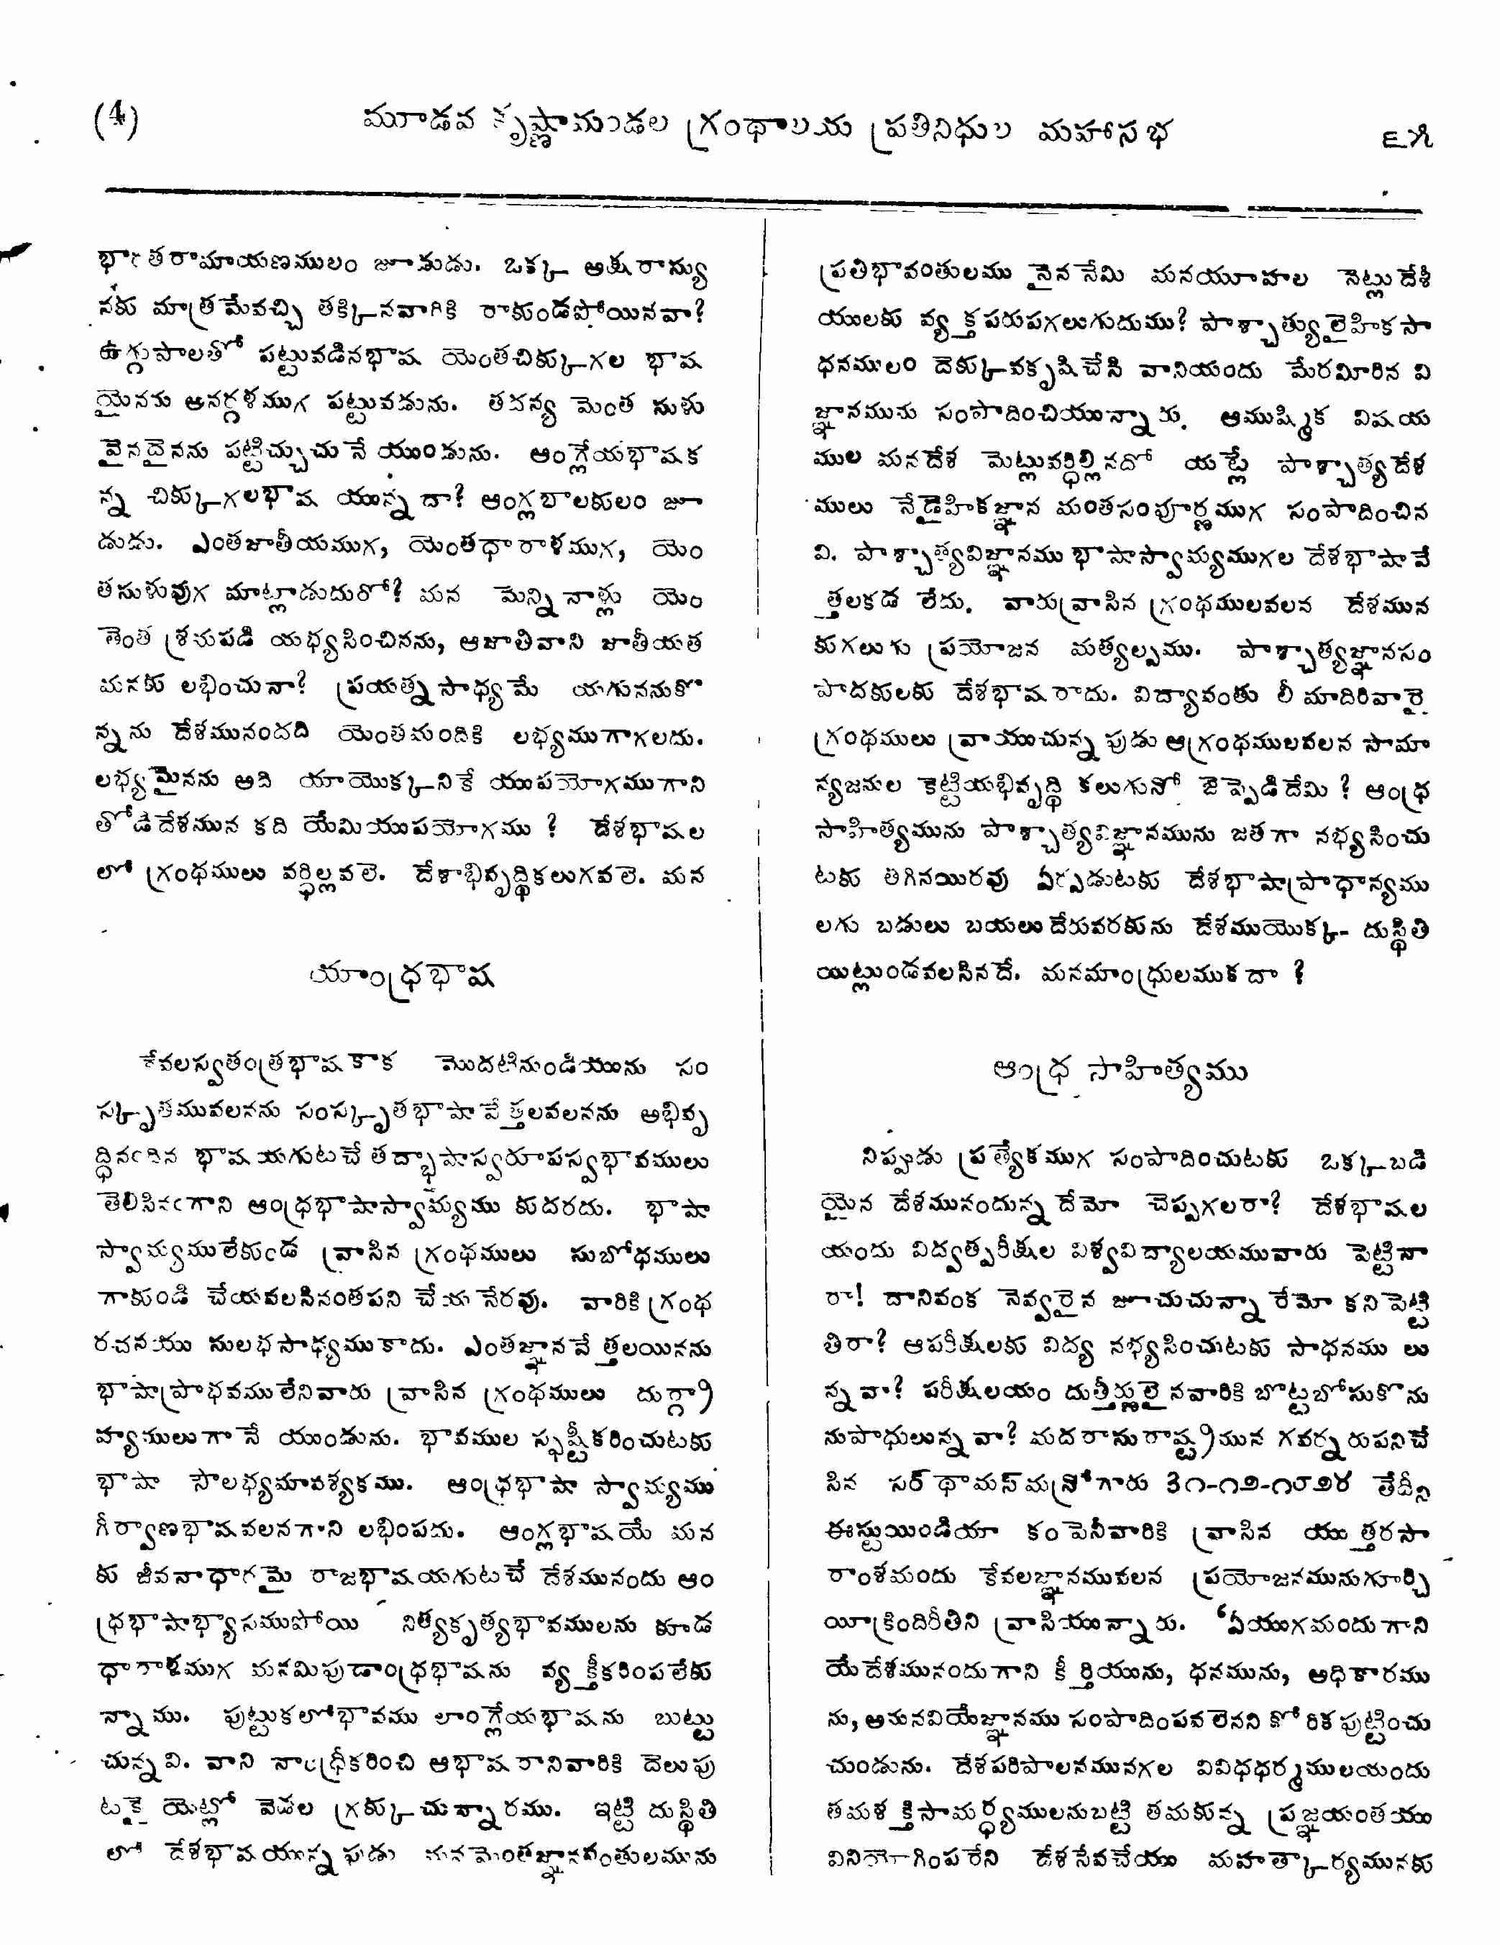భారతరామాయణములం జూడుడు. ఒక్క అక్షరాస్యునకు మాత్రమేవచ్చి తక్కినవారికి రాకుండపోయినవా? ఉగ్గుపాలతో పట్టువడిన భాష యెంత చిక్కుగల భాష యైనను అనర్గళముగ పట్టువడును. తదన్య మెంత సుళువైనదైనను పట్టిచ్చుచునే యుండును. ఆంగ్లేయభాషకన్న చిక్కు గలభాష యున్నదా? ఆంగ్ల బాలాకుల౦ జూడుడు. ఎంతజాతీయముగ, యెంతధారాళముగ, యెంత సుళువుగా మాట్లాడుదురో? మన మెన్ని నాళ్లు యెంతెంత శ్రమపడి యభ్యసించినను, ఆజాతివాని జాతీయత మనకు లభించునా? ప్రయత్న సాధ్యమే యగుననుకోన్నను దేశమునందది యెంతమందికి లభ్యముగాగలదు. లభ్యమైనను అది యాయొక్కనికే యుపయోగము గాని తోడిదేశమున కది యేమియుపయోగము ? దేశభాషలలో గ్రంధములు వర్ధిల్లవలె. దేశాభివృద్ధికలుగవలె. మన

కేవలస్వతంత్ర భాష కాక మొదటినుండియును సంస్కృతమువలనను సంస్కృతభాషావేత్తలవలనను అభివృద్ధినఁదిన భాష యగుటచే తద్భాసాస్వరూపస్వభావములు తెలిసినఁగాని ఆంధ్రభాషాస్వామ్యము కుదరదు. భాషా స్వామ్యములేకుఁడ వ్రాసిన గ్రంథములు సుబోధములు గాకుండి చేయవలసినంత పని చేయ నేరవు. వారికి గ్రంథరచనయు సులభ సాధ్యముకాదు. ఎంత జ్ఞానవేత్తలయినను భాషాప్రాభవము లేని వారు వ్రాసిన గ్రంథములు దుర్గ్రా హ్యములుగానే యుండును. భావముల స్పష్టీకరించుటకు
భాషా సౌలభ్యమాపశ్యకము. ఆంధ్రభాషా స్వామ్యము గీర్వాణ భాష వలన గాని లభింపదు. ఆంగ్లభాషయే మనకు జీవనాధారమై రాజభాష యగుటచే దేశమునందు ఆంధ్రభాషాభ్యాసముపోయి నిత్యకృత్యభావములను కూడ ధారాళముగ మనమిపుడాంధ్రభాషను 
వ్యక్తీకరింపలేకున్నాము. పుట్టుకలోభావము లాంగ్లేయభాషను బుట్టు చున్నవి. వాని నాఁధ్రీకరించి ఆభాషరానివారికి దెలుపుటకై యెట్లో వెడల గ్రక్కుచున్నారము. ఇట్టి దుస్థితిలో దేశభావయున్నపుడు మనమెంత జ్ఞానవంతులమును ప్రతిభావంతులము నైననేమి మనయూహల నెట్లు దేశీయులకు వ్యక్త పరుపగలుగుదుము? పాశ్చాత్యులైహిక సాధనములం దెక్కువకృషిచేసి వానియందు మేరమీరిన విజ్ఞానమును సంపాదించియున్నారు. ఆముష్మిక విషయముల మనదేశ మెట్లువర్ధిల్లినదో యట్లే పాశ్చాత్యదేళములు నేడైహికజ్ఞాన మంతసంపూర్ణముగ సంపాదించినవి. పాశ్చాత్యవిజ్ఞానము భాషాస్వామ్యముగల దేశభాషావేతలకడ లేదు. వారు వ్రాసిన గ్రంధములవలన దేశమునకుగలుగు ప్రయోజన మత్యల్పము. పాశ్చాత్యజ్ఞానసంపాదకులకు దేశభాష రాదు. విద్యావంతు లీ మాదిరివారై గ్రంధములు వ్రాయుచున్నపుడు ఆగ్రంధములవలన సామావ్యజనుల కెట్టియభివృద్ధి కలుగునో జెప్పెడిదేమి ? ఆంధ్ర
సాహిత్యమును పాశ్చాత్యవిజ్ఞానమును జతగా నభ్యసించుటకు తెగినయిరవు ఏర్పడుటకు దేశభాషాప్రాధాన్యములగు బడులు 
బయలుదేరువరకును దేశముయొక్క దుస్థితి యిట్లుండవలసినదే. మనమాంధ్రులముకదా ?

నిప్పుడు ప్రత్యేకముగ సంపాదించుటకు ఒక్కబడియైన దేశమునందున్నదేమో చెప్పగలరా? దేశభాషలయందు విద్వత్పరీక్షుల విశ్వవిద్యాలయమువారు పెట్టినారా! దానివంక నెవ్వరైన జూచుచున్నారేమో కనిపెట్టితిరా? ఆపరీక్షులకు విద్య నభ్యసించుటకు సాధనములున్నవా? పరీక్షలయం దుత్తీర్ణులైనవారికి బొట్టబోసుకొనునుపాధులున్నవా? మదరాసు రాష్ట్రమున గవర్నరు పనిచేసిన 
సర్ థామస్ మన్రో గారు 3౧-౧౨-౧౮౨౪ తేదీని ఈస్టుయిండియా కంపెనీవారికి వ్రాసిన యుత్తరసారాంశమందు కేవలజ్ఞానమువలన ప్రయోజనమును గూర్చి యీ క్రిందిరీతిని వ్రాసియున్నారు. 'ఏయుగమందు గాని యే దేశమునందు గాని కీర్తియును, ధనమును, అధికారమును, అనునవియేజ్ఞానము సంపాదింపవలెనని కోరిక పుట్టించు చుండును. దేశపరిపాలనమునగల వివిధధర్మములయందు
తమశక్తిసామర్ధ్యములనుబట్టి తమకున్న ప్రజ్ఞయంతయు వినియోగింపరేని దేశసేవచేయు మహత్కార్యమునకు